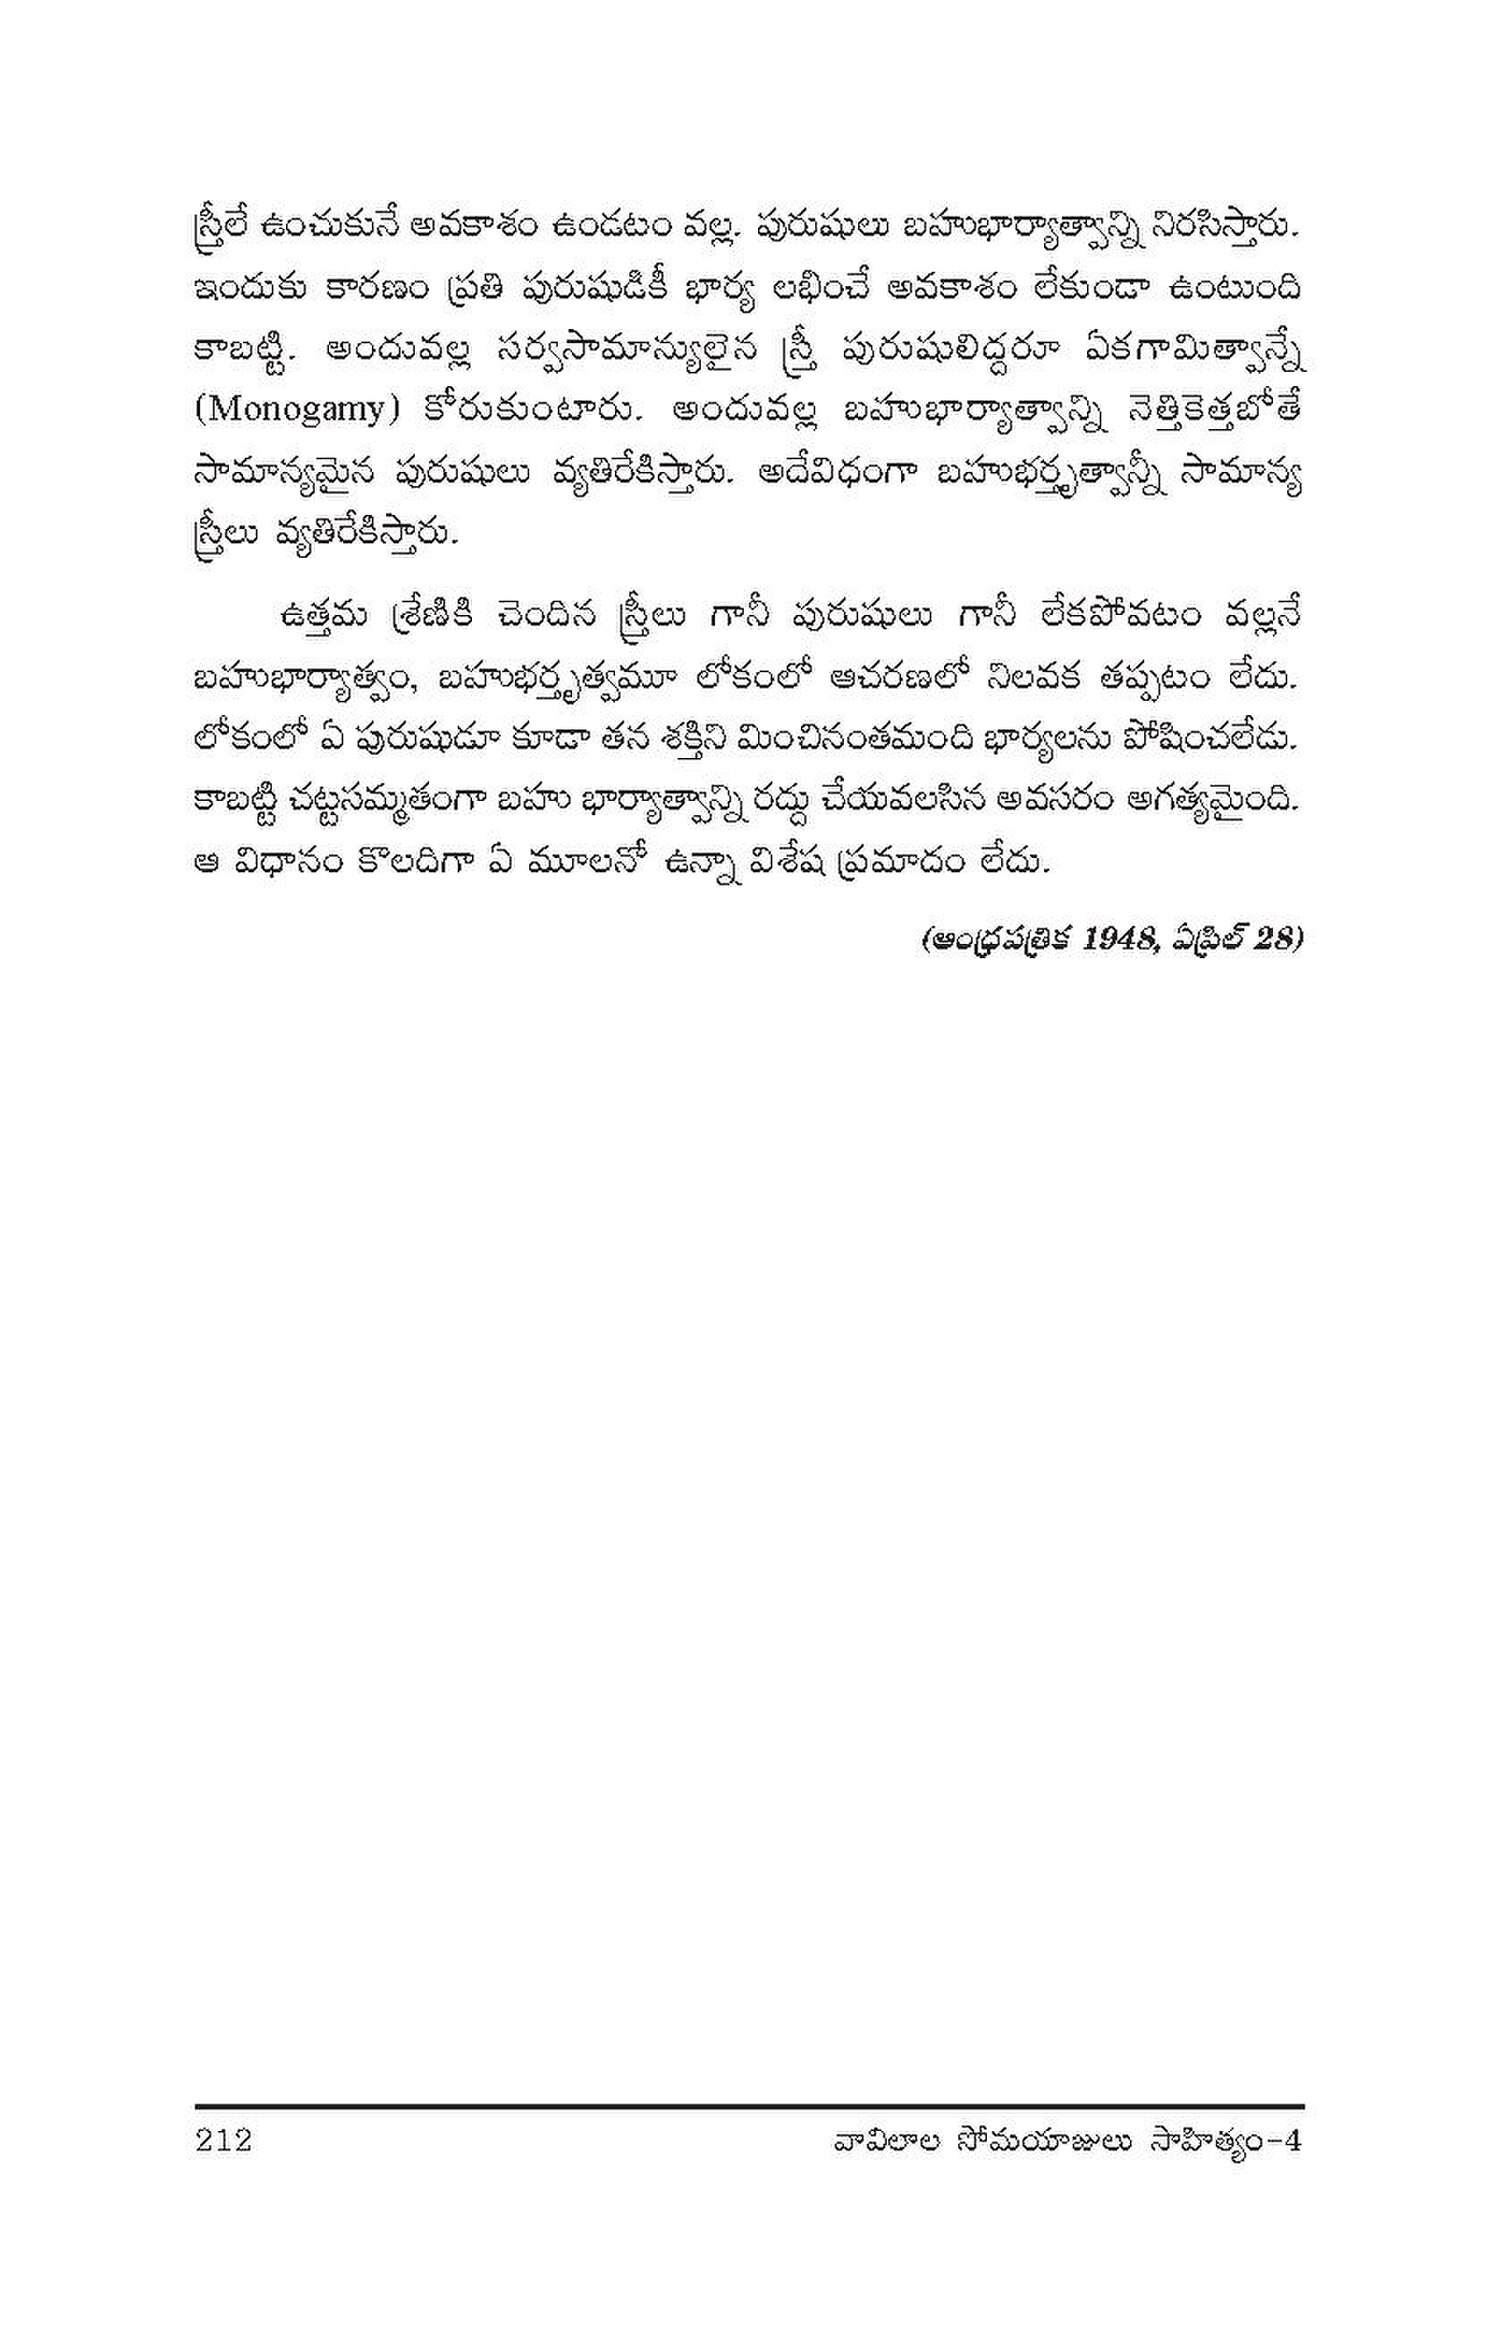స్త్రీలే ఉంచుకునే అవకాశం ఉండటం వల్ల. పురుషులు బహుభార్యాత్వాన్ని నిరసిస్తారు.ఇందుకు కారణం ప్రతి పురుషుడికీ భార్య లభించే అవకాశం లేకుండా ఉంటుంది.కాబట్టి. అందువల్ల సర్వసామాన్యులైన స్త్రీ పురుషులిద్దరూ ఏకగామిత్వాన్నే(Monogamy) కోరుకుంటారు. అందువల్ల బహుభార్యాత్వాన్ని నెత్తికెత్తబోతే సామాన్యమైన పురుషులు వ్యతిరేకిస్తారు. అదేవిధంగా బహుభర్తృత్వాన్నీ సామాన్య
స్త్రీలు వ్యతిరేకిస్తారు.

ఉత్తమ శ్రేణికి చెందిన స్త్రీలు గానీ పురుషులు గానీ లేకపోవటం వల్లనే
బహుభార్యాత్వం, బహుభర్తృత్వమూ లోకంలో ఆచరణలో నిలవక తప్పటం లేదు.లోకంలో ఏ పురుషుడూ కూడా తన శక్తిని మించినంతమంది భార్యలను పోషించలేడు. కాబట్టి చట్టసమ్మతంగా బహు భార్యాత్వాన్ని రద్దు చేయవలసిన అవసరం అగత్యమైంది.
ఆ విధానం కొలదిగా ఏ మూలనో ఉన్నా విశేష ప్రమాదం లేదు.